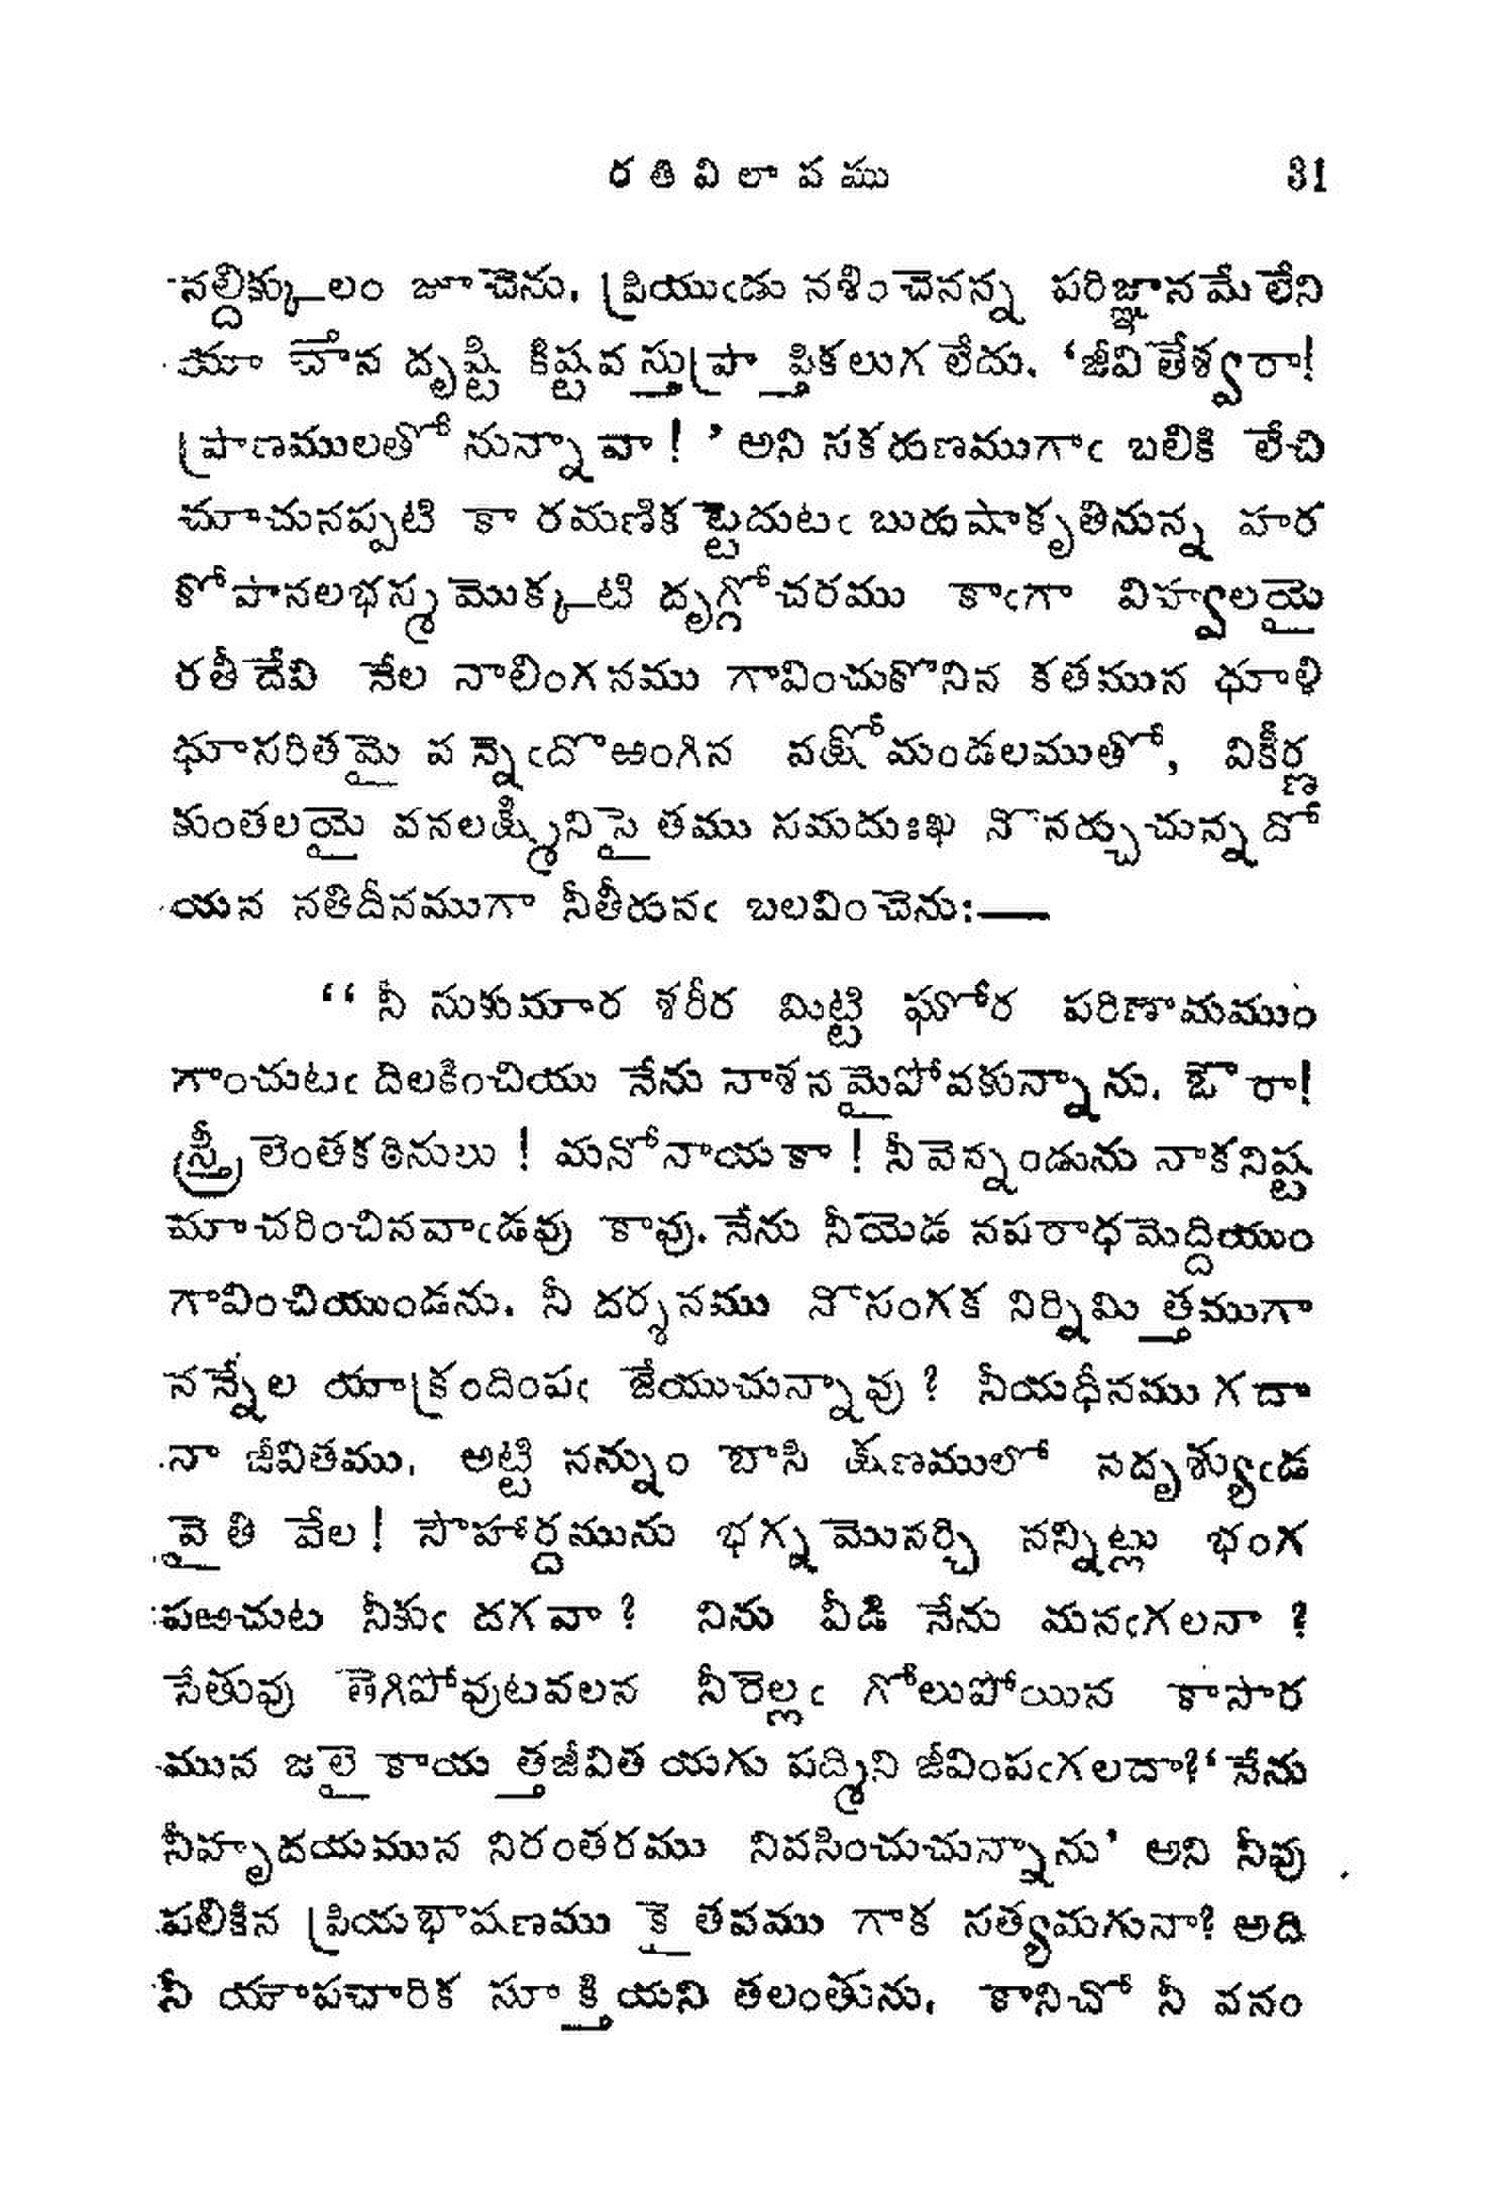నల్దిక్కులం జూచెను, ప్రియుఁడు నశించెనన్న పరిజ్ఞానమే లేని యా చాన దృష్టి క్లిష్టవస్తుప్రాప్తికలుగ లేదు. 'జీవితేశ్వరా!
ప్రాణములతో నున్నావా ! ' అని సకరుణముగాఁ బలికి లేచి చూచునప్పటి కా రమణిక ట్టెదుటఁ బురుషాకృతినున్న హర
కోపానలభస్మ మొక్కటి దృగ్గోచరము కాఁగా విహ్వలయై రతీ దేవి నేల నాలింగనము గావించుకొనిన కతమున ధూళి
ధూసరితమై వన్నెఁదొఱంగిన వక్షోమండలముతో, వికీర్ణ కుంతలయై వనలక్ష్మీని సైతము సమదుఃఖ నొనర్చుచున్నదో
యన నతిదీనముగా నీతీరునఁ బలవించెను:-

" నీ సుకుమార శరీర మిట్టి ఘోర పరిణామముం గాంచుటఁ దిలకించియు నేను నాశనమైపోవకున్నాను. ఔరా! స్త్రీలెంత కఠినులు ! మనోనాయకా ! నీవెన్నండును నాకనిష్ట మాచరించినవాఁడవు కావు. నేను నీయెడ నపరాధమెద్దియుం
గావించియుండను. నీ దర్శనము నోసంగక నిర్నిమిత్తముగా నన్నేల యాక్రందింపఁ జేయుచున్నావు? నియధీనము గదా
నా జీవితము, అట్టి నన్నుం బాసి క్షణములో సదృశ్యుఁడ వైతి వేల! సౌహార్దమును భగ్నమొనర్చి నన్నిట్లు భంగ
పఱచుట నీకుఁ దగవా ? నిను వీడి నేను మనఁగలనా ? సేతువు తెగిపోవుటవలన నీరెల్లఁ గోలుపోయిన కాసారమున జలై కాయ త్తజీవిత యగు పద్మిని జీవింపఁగలదా?' నేను నీహృదయమున నిరంతరము నివసించుచున్నాను' అని నీవు .
పలికిన ప్రియభాషణము కై తవము గాక సత్యమగునా? అది నీ యౌపచారిక సూక్రియని తలంతును, కానిచో నీ వనం